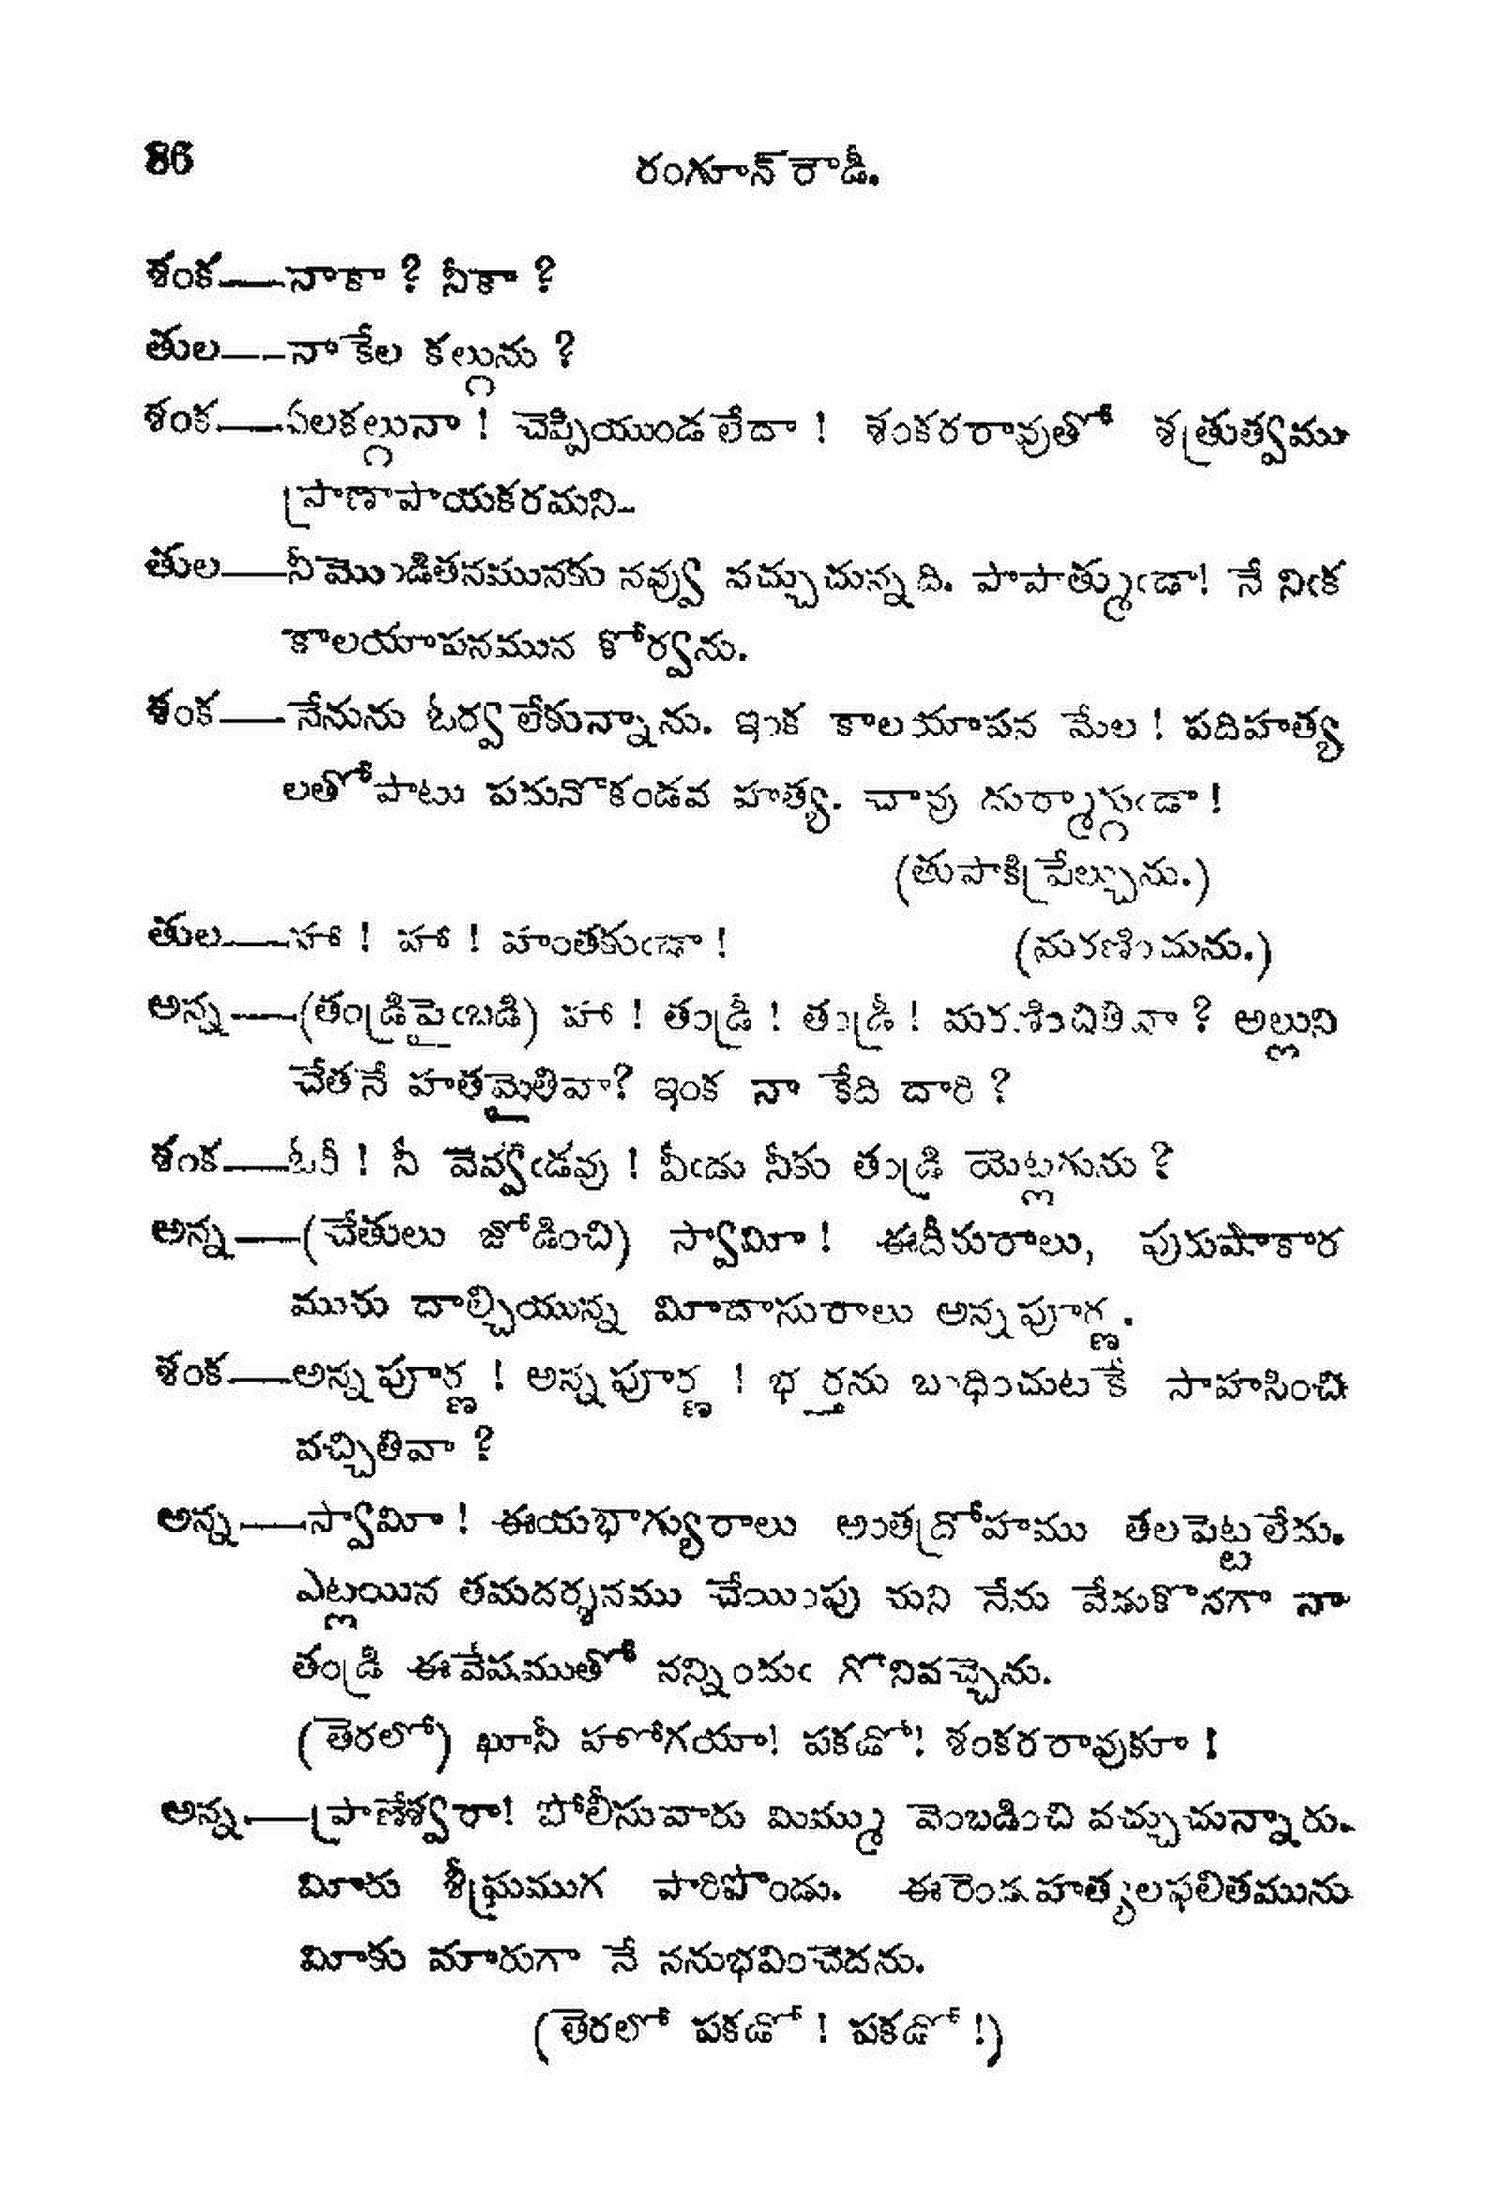శంక -- నాకా ? నీకా?

తుల - నాకేల కల్గును?

శంక - ఏలకల్గునా ! చెప్పియుండలేదా ! శంకరరావుతో శత్రుత్వముప్రాణాపాయకరమని

తుల - నీమొండితనమునకు నవ్వు వచ్చుచున్నది. పాపాత్ముడా! నే నిఁక కాలయాపనమున కోర్వను.

శంక - నేనును ఓర్వలేకున్నాను. ఇక కాలయాపన నేల ! పదిహత్యలతోపాటు పదునొకండవ హత్య. చావు దుర్మార్గుడా !

తుల - హా ! హా! హంతకుడా ! (మరణించును.)

అన్న -- (తండ్రిపైఁబడి) హా ! తండ్రీ ! తండ్రీ ! మరణించితివా ? అల్లుని చేతనే హతమైతివా? ఇంక నా కేది దారి ?

శంక - ఓరీ ! నీ వెవ్వఁడవు ! వీఁడు నీకు తండ్రి యెట్లగును ?

అన్న - (చేతులు జోడించి) స్వామీ ! ఈదీనురాలు, పురుషాకారమును దాల్చియున్న మీదాసురాలు అన్నపూర్ణ.

శంక – అన్నపూర్ణ ! అన్నపూర్ణ ! భర్తను బధించుటకే సాహసించి వచ్చితివా ?

అన్న - స్వామీ ! ఈయభాగ్యురాలు అంతద్రోహము తలపెట్టలేదు. ఎట్లయిన తమదర్శనము చేయింపు మని నేను వేడుకొనగా నా తండ్రి ఈ వేషముతో నన్నిందుఁ గొనివచ్చెను.

అన్న – ప్రాణేశ్వరా! పోలీసువారు మిమ్ము వెంబడించి వచ్చుచున్నారు. మీరు శీఘ్రముగ పారిపొండు. ఈరెండుహత్యలఫలితమును మీకు మారుగా నే ననుభవించెదను.